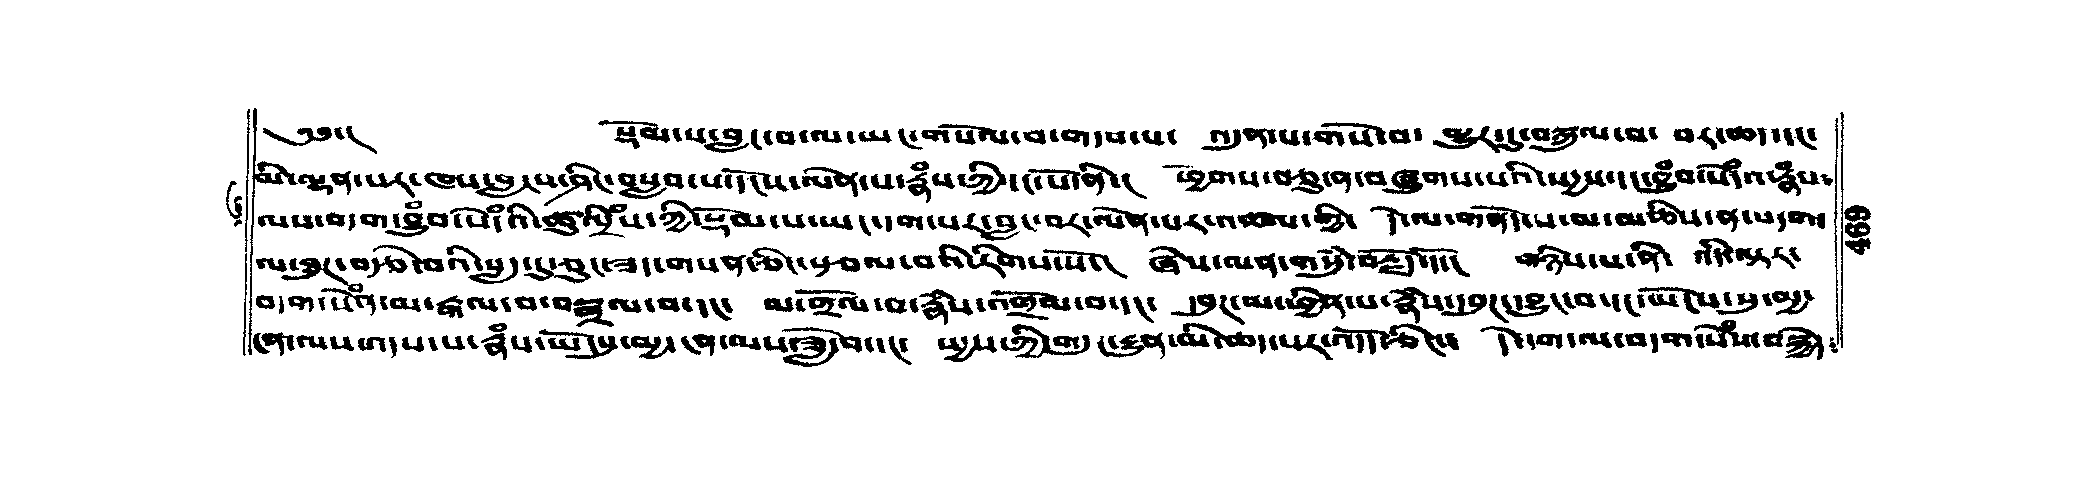སྡོམ་པ་བླང་བ་ལ་ཡང་གསོལ་བ་གདབ་པ། འདུན་པ་གསོ་བ། མྱུར་དུ་བསྐུལ་བ། བར་ཆད་དང་
མི་ལྡན་པར་ཁས་བླངས་ཤིང་བསླབ་པ་དངོས་ལེན་པ་རྣམས་ཀྱི་དང་པོ་ནི། ཕྱོགས་བཅུ་ན་བཞུགས་པའི་སངས་རྒྱས་དང་བྱང་ཆུབ་སེམས་དཔའ་རྣམས་
ལས་བདག་བྱང་ཆུབ་སེམས་དཔའི་ཚུལ་ཁྲིམས་ཀྱི་སྡོམ་པ་ཡང་དག་པར་བླང་བར་ལེན་པར་འཚལ་གྱི། དེ་ལ་གནོད་པ་མ་མཆིས་ན་བདག་
ལ་ཐུགས་བརྩེ་བའི་སླད་དུ་ཅུང་ཟད་གསན་ཅིང་རྩལ་བའི་རིགས་སོ། ཞེས་ལན་གསུམ་བརྗོད་དོ། གཉིས་པ་ནི། འདི་ལྟར་
བདག་སེམས་ཅན་མ་བསྒྲལ་བ་བསྒྲལ་བ་དང་། མ་གྲོལ་བ་རྣམས་འགྲོལ་བ་དང་། དབུགས་མ་ཕྱིན་པ་རྣམས་དབུགས་དབྱུང་བ་དང་ཡོངས་སུ་མྱ་
ངན་ལས་མ་འདས་པ་རྣམས་ཡོངས་སུ་མྱ་ངན་ལས་ཟློ་བ་དང་། སངས་རྒྱས་ཀྱི་གདུངརྒྱུན་མི་ཆད་པར་འདོད་ཅིང་། དེདག་ལ་བདག་སེམས་བསྐྱེད་